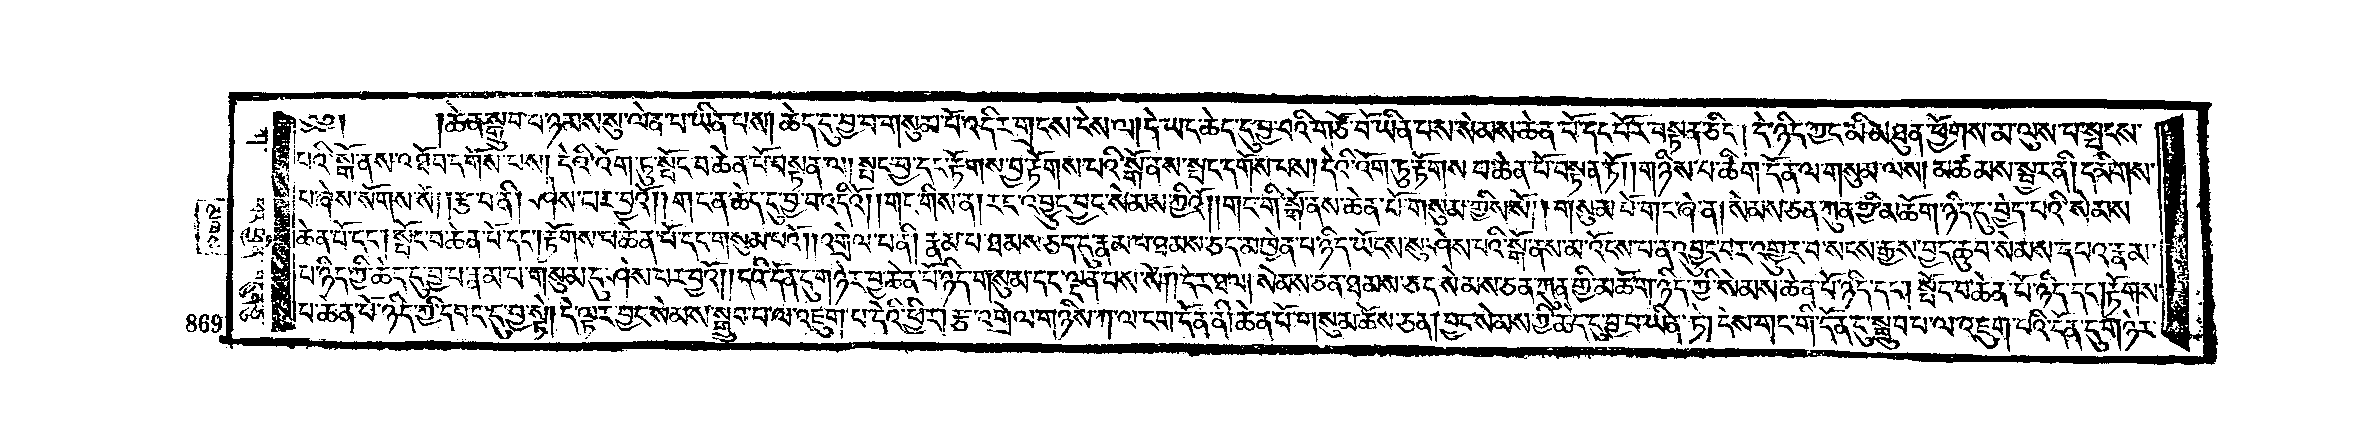༄༅། །ཆེན་སྒྲུབ་པ་ཉམས་སུ་ལེན་པ་ཡིན་པས། ཆེད་དུ་བྱ་བ་གསུམ་པོ་འདིར་གྲངས་ངེས་ལ། དེ་ཡང་ཆེད་དུ་བྱ་བའི་གཙོ་བོ་ཡིན་པས་སེམས་ཆེན་པོ་དང་པོར་བསྟན་ཅིང་། དེ་ཉིད་ཀྱང་མི་མཐུན་ཕྱོགས་མ་ལུས་པ་སྤངས་
པའི་སྒོ་ནས་འཐོབ་དགོས་པས། དེའི་འོག་ཏུ་སྤོང་བ་ཆེན་པོ་བསྟན་ལ། སྤང་བྱ་དང་རྟོགས་བྱ་རྟོགས་པའི་སྒོ་ནས་སྤང་དགོས་པས། དེའི་འོག་ཏུ་རྟོགས་པ་ཆེན་པོ་བསྟན་ཏོ། །གཉིས་པ་ཚིག་དོན་ལ་གསུམ་ལས། མཚམས་སྦྱར་ནི། དམིགས་
པ་ཞེས་སོགས་སོ། །རྩ་བ་ནི། ཤེས་པར་བྱའོ། །གང་ན་ཆེད་དུ་བྱ་བ་འདིའོ། །གང་གིས་ན། རང་འབྱུང་བྱང་སེམས་ཀྱིའོ། །གང་གི་སྒོ་ནས་ཆེན་པོ་གསུམ་གྱིས་སོ། །གསུམ་པོ་གང་ཞེ་ན། སེམས་ཅན་ཀུན་གྱི་མཆོག་ཉིད་དུ་བྱེད་པའི་སེམས་
ཆེན་པོ་དང་། སྤོང་བ་ཆེན་པོ་དང་། རྟོགས་པ་ཆེན་པོ་དང་གསུམ་པའོ། །འགྲེལ་པ་ནི། རྣམ་པ་ཐམས་ཅད་དུ་རྣམ་པ་ཐམས་ཅད་མཁྱེན་པ་ཉིད་ཡོངས་སུ་ཤེས་པའི་སྒོ་ནས་མ་འོངས་པ་ན་འབྱུང་བར་འགྱུར་བ་སངས་རྒྱས་བྱང་ཆུབ་སེམས་དཔའ་རྣམ་
པ་ཉིད་ཀྱི་ཆེད་དུ་བྱ་བ་རྣམ་པ་གསུམ་དུ་ཤེས་པར་བྱའོ། །དེའི་དོན་དུ་གཉེར་བྱ་ཆེན་པོ་ཉིད་གསུམ་དང་ལྡན་པས་སོ། །དེར་ཐལ། སེམས་ཅན་ཐམས་ཅད་སེམས་ཅན་ཀུན་གྱི་མཆོག་ཉིད་ཀྱི་སེམས་ཆེན་པོ་ཉིད་དང་། སྤོང་བ་ཆེན་པོ་ཉིད་དང་། རྟོགས་
པ་ཆེན་པོ་ཉིད་ཀྱི་དབང་དུ་བྱ་སྟེ། དེ་ལྟར་བྱང་སེམས་སྒྲུབ་པ་ལ་འཇུག་པ་དེའི་ཕྱིར། རྩ་འགྲེལ་གཉིས་ཀ་ལ་ངག་དོན་ནི། ཆེན་པོ་གསུམ་ཆོས་ཅན། བྱང་སེམས་ཀྱི་ཆེད་དུ་བྱ་བ་ཡིན་ཏེ། དེས་གང་གི་དོན་དུ་སྒྲུབ་པ་ལ་འཇུག་པའི་དོན་དུ་གཉེར་